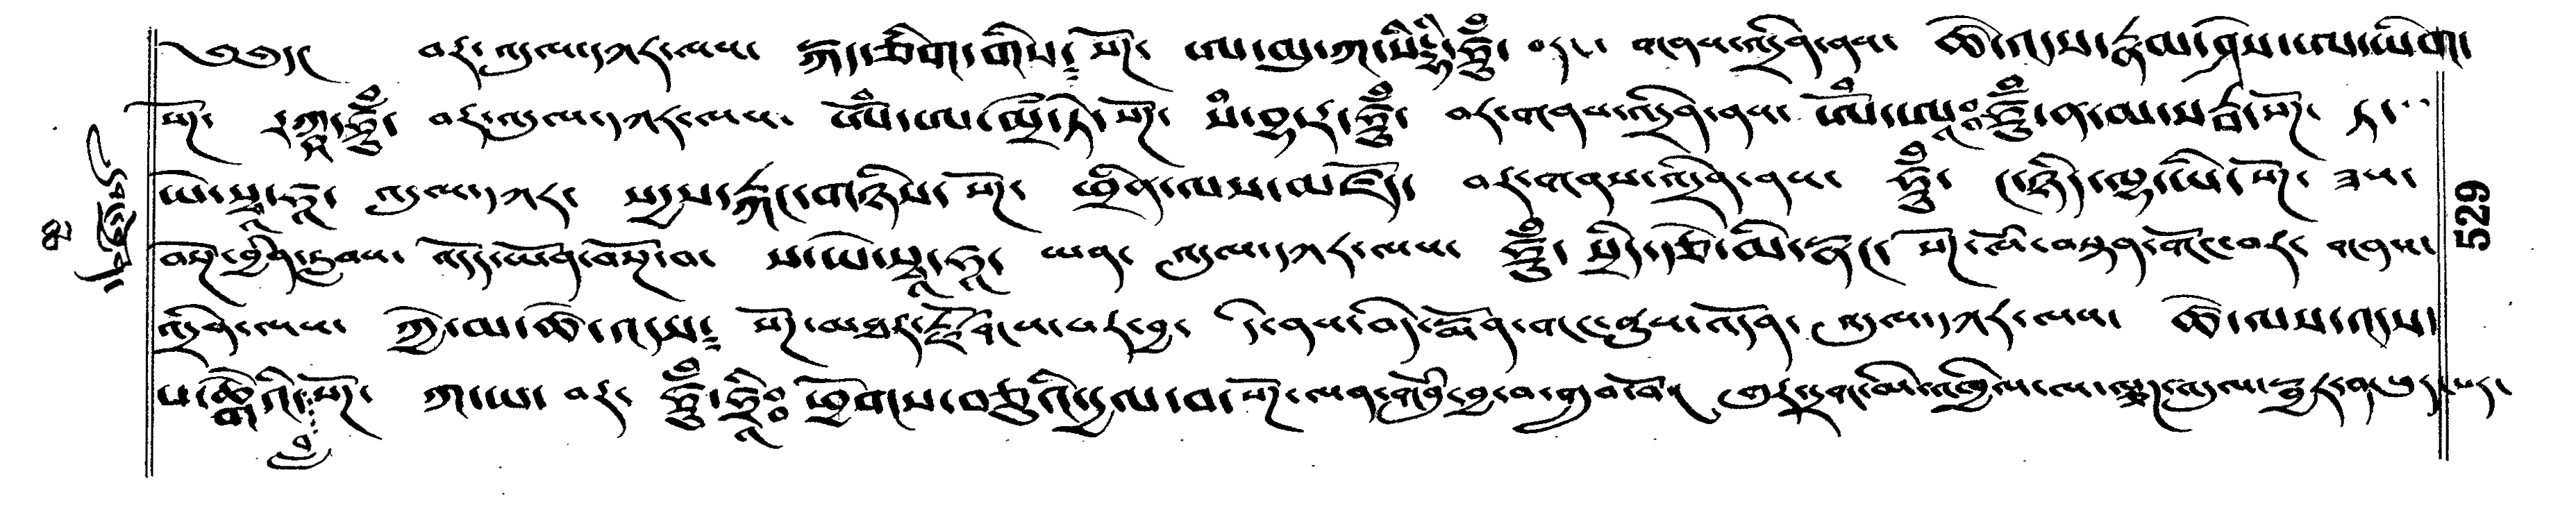བར། འདུལ་དཀར་ལས། སྐད་ཅིག་གིས༴ སོགས། ཨ་མུ་ཀ་སིདྡྷི་ཧཱུྃ། བར། གནས་འདྲེན་ནས། ཚེ་འདས་རྣམ་ཤེས་ཨ་ཡིག༴ 
སོགས། རཀྵ་ཧཱུྃ༔ བར་འདུལ་དཀར་ལས། ཨོཾ་ཨ་མྲྀ་ཏེ༴ སོགས། སཾ་བྷ་ར་ཧཱུྃ། བར། གནས་འདྲེན་ནས། ཨོཾ་ཨཱཿཧཱུྃ་ན་མ་སརྦ༴ སོགས། ཏ་
ཡེ་སྭ་ཧཱ༔ འདུལ་དཀར། སངས་རྒྱས་རྐང་གཉིས༴ སོགས། ཕྲིན་ལས་མཛོད། བར་གནས་འདྲེན་ནས། ཧཱུྃ༔ ང་ཉིད་ལྷ་ཡི༴ སོགས། ཟས་
བསྔོ་བྱིན་རླབས། འདོད་ཡོན་བསྔོ་བ། ས་ཡེ་སྭ་ཧཱ། ཡན། འདུལ་དཀར་ལས།ཧཱུྃ། སྲིད་རྩེ་མི་སྣང༴ སོགས་ལམ་བསྟན་གོང་བར། གནས་
འདྲེན་ལས། ཀྱེ་མ༔ཚེ་འདས༴ སོགས་མཐར་རྫོགས་པར་བྱ། དེ་ནས་བདེ་སྨོན་གང་ནུས་འདོན། འདུལ་དཀར་ལས། ཚེ་ལས་འདས་
པ་ཆོ་གེ་མོའི་བླ༴ སོགས། ཀ་ཡ༴ བར། ཧཱུྃ་ཧྲཱིཿཕྱོགས་བཅུའི་རྒྱལ་བ༴ སོགས་ལན་གསུམ་བྱས་བས་གྲུབ་བོ། གུར་དྲག་མེ་འཁྱིལ་ལ་ལྕགས་འདུལ་སྦྱར་ན་ཕུར་པར་སྦྱར་པ་དང་འདྲ་འོ།།